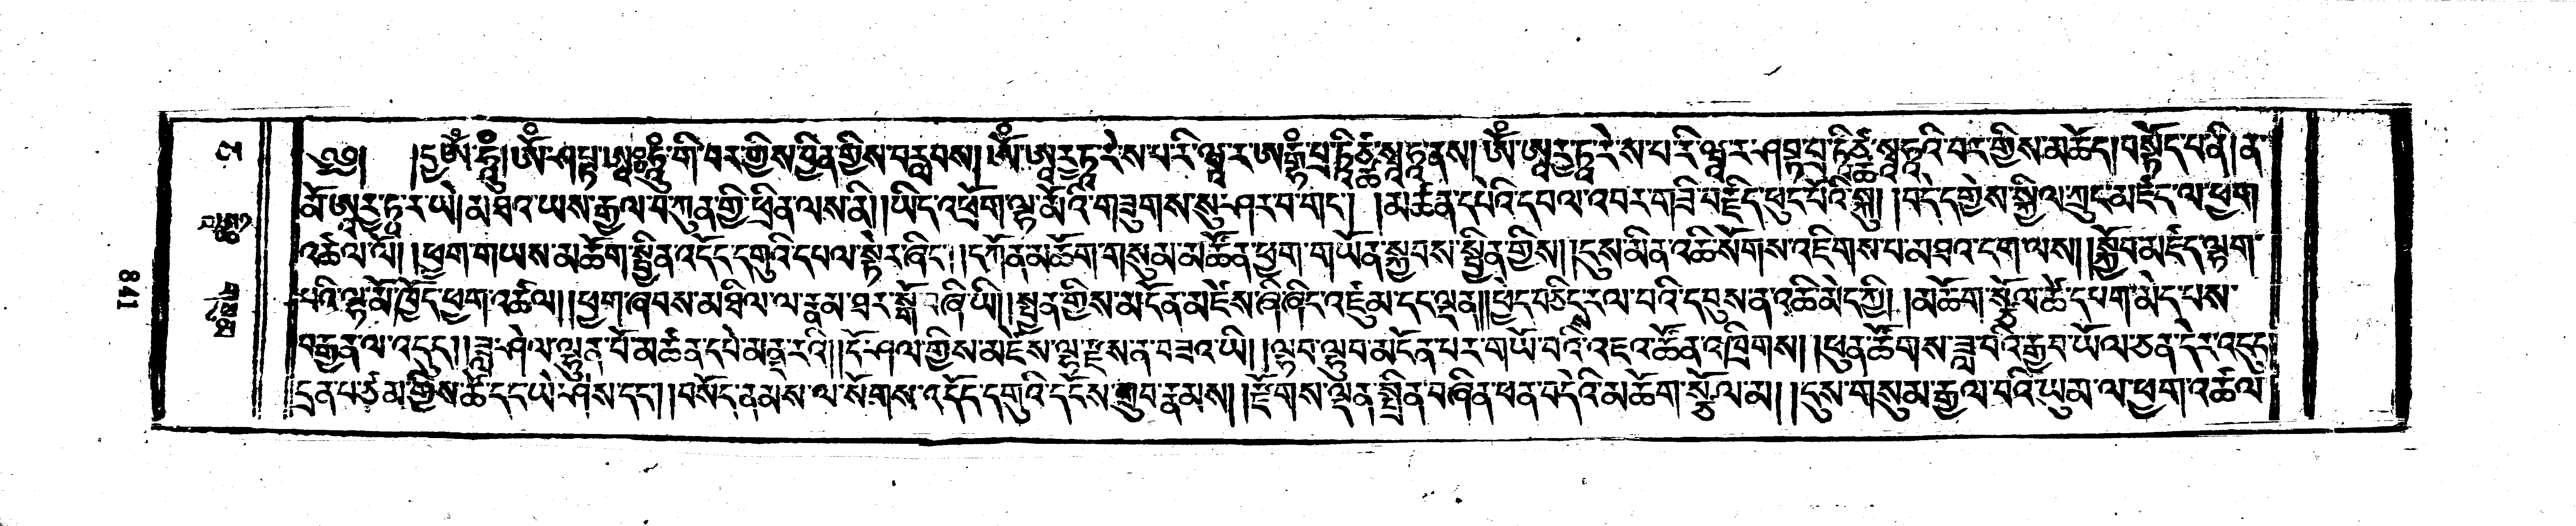༄༅། །དྱ་ཨཱཿ ཧཱུཾ། ཨོཾ་ཤྤྟ་ཨཱཿ ཧཱུཾ་གི་བར་གྱིས་བྱིན་གྱིས་བརླབས། ཨོཾ་ཨཱརྱ་ཏཱ་རེ་ས་པ་རི་ཝཱ་ར་ཨརྒྷཾ་པྲ་ཏཱི་ཙྪ་སྭཱཧཱ་ནས། ཨོཾ་ཨཱརྱ་ཏཱ་རེ་ས་པ་རི་ཝཱ་ར་ཤཔྟ་པྲ་ཏཱི་ཙྪ་སྭཱཧཱའི་བར་གྱིས་མཆོད། བསྟོད་པ་ནི། ན་
མོ་ཨཱརྱ་ཏཱ་ར་ཡེ། མཐའ་ཡས་རྒྱལ་བ་ཀུན་གྱི་ཕྲིན་ལས་ནི། །ཡིད་འཕྲོག་ལྷ་མོའི་གཟུགས་སུ་ཤར་བ་གང་། །མཚན་དཔེའི་དཔལ་འབར་གཟི་བརྗིད་ཕུང་པོའི་སྐུ། །བདེ་དགྱེས་སྐྱིལ་ཀྲུང་མཛད་ལ་ཕྱག་
འཚལ་ལོ། །ཕྱག་གཡས་མཆོག་སྦྱིན་འདོད་དགུའི་དཔལ་སྟེར་ཞིང་། །དཀོན་མཆོག་གསུམ་མཚོན་ཕྱག་གཡོན་སྐྱབས་སྦྱིན་གྱིས། །དུས་མིན་འཆི་སོགས་འཇིགས་པ་མཐའ་དག་ལས། །སྐྱོབ་མཛད་ལྷག་
པའི་ལྷ་མོ་ཁྱོད་ཕྱག་འཚལ། །ཕྱག་ཞབས་མཐིལ་ལ་རྣམ་ཐར་སྒོ་བཞི་ཡི། །སྤྱན་གྱིས་མངོན་མཛེས་ཞི་ཞིང་འཛུམ་དང་ལྡན། །ཕྱེད་བཅིངས་རལ་པའི་དབུས་ན་འཆི་མེད་ཀྱི། །མཆོག་སྩོལ་ཚེ་དཔག་མེད་པས་
བརྒྱན་ལ་འདུད། །ཟླ་ཤེལ་ལྷུན་པོ་མཚན་དཔེ་མནྡ་རའི། །དོ་ཤལ་གྱིས་མཛེས་ལྷ་རྫས་ན་བཟའ་ཡི། །ལྷབ་ལྷུབ་མངོན་པར་གཡོ་བའི་འཇའ་ཚོན་འཁྲིགས། །ཕུན་ཚོགས་ཟླ་བའི་རྒྱབ་ཡོལ་ཅན་དེར་འདུད། །
དྲན་པ་ཙམ་གྱིས་ཚེ་དང་ཡེ་ཤེས་དང་། །བསོད་ནམས་ལ་སོགས་འདོད་དགུའི་དངོས་གྲུབ་རྣམས། །རྫོགས་ལྡན་སྤྲིན་བཞིན་ཕན་བདེའི་མཆོག་སྩོལ་མ། །དུས་གསུམ་རྒྱལ་བའི་ཡུམ་ལ་ཕྱག་འཚལ་